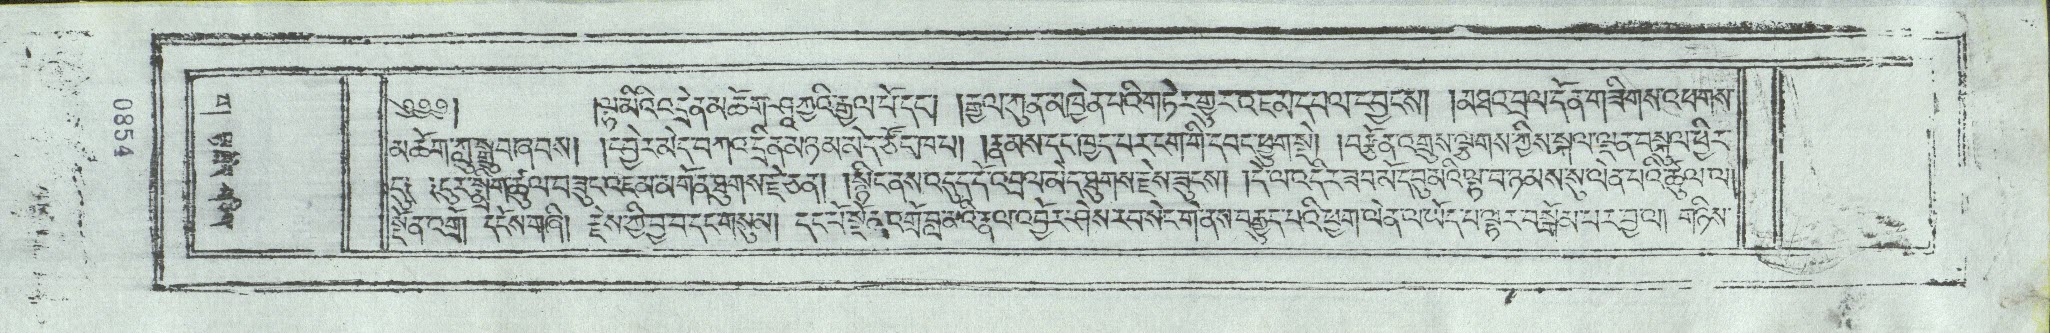༄༅༅། །ལྷ་མིའི་འདྲེན་མཆོག་ཤཱཀྱའི་རྒྱལ་པོ་དང་། །རྒྱལ་ཀུན་མཁྱེན་པའི་གཏེར་གྱུར་འཇམ་དཔལ་དབྱངས། །མཐའ་བྲལ་དོན་གཟིགས་འཕགས་
མཆོག་ཀླུ་སྒྲུབ་ཞབས། །དབྱེར་མེད་བཀའ་དྲིན་མཉམ་མེད་ཙོང་ཁ་པ། །རྣམས་དང་ཁྱད་པར་ངག་གི་དབང་ཕྱུག་སྡེ། །བརྩོན་འགྲུས་ལྕགས་ཀྱིས་སྐལ་ལྡན་བསྐུལ་ཕྱིར་
དུ༑ ༑ངུར་སྨྲིག་ཚུལ་བཟུང་འཇམ་མགོན་ཐུགས་རྗེ་ཅན། །སྙིང་ནས་འདུད་དོ་འབྲལ་མེད་ཐུགས་རྗེས་ཟུངས། །དེ་ལ་འདིར་ཟབ་མོ་དབུ་མའི་ལྟ་བ་ཉམས་སུ་ལེན་པའི་ཚུལ་ལ།
སྔོན་འགྲོ། དངོས་གཞི། རྗེས་ཀྱི་བྱ་བ་དང་གསུམ། དང་པོ་སྔོན་འགྲོ་བླ་མའི་རྣལ་འབྱོར་ཤེས་རབ་སེང་གེ་ནས་བརྒྱུད་པའི་ཕྱག་ལེན་ལ་ཡོད་པ་ལྟར་བསྒོམ་པར་བྱ་ལ། གཉིས་